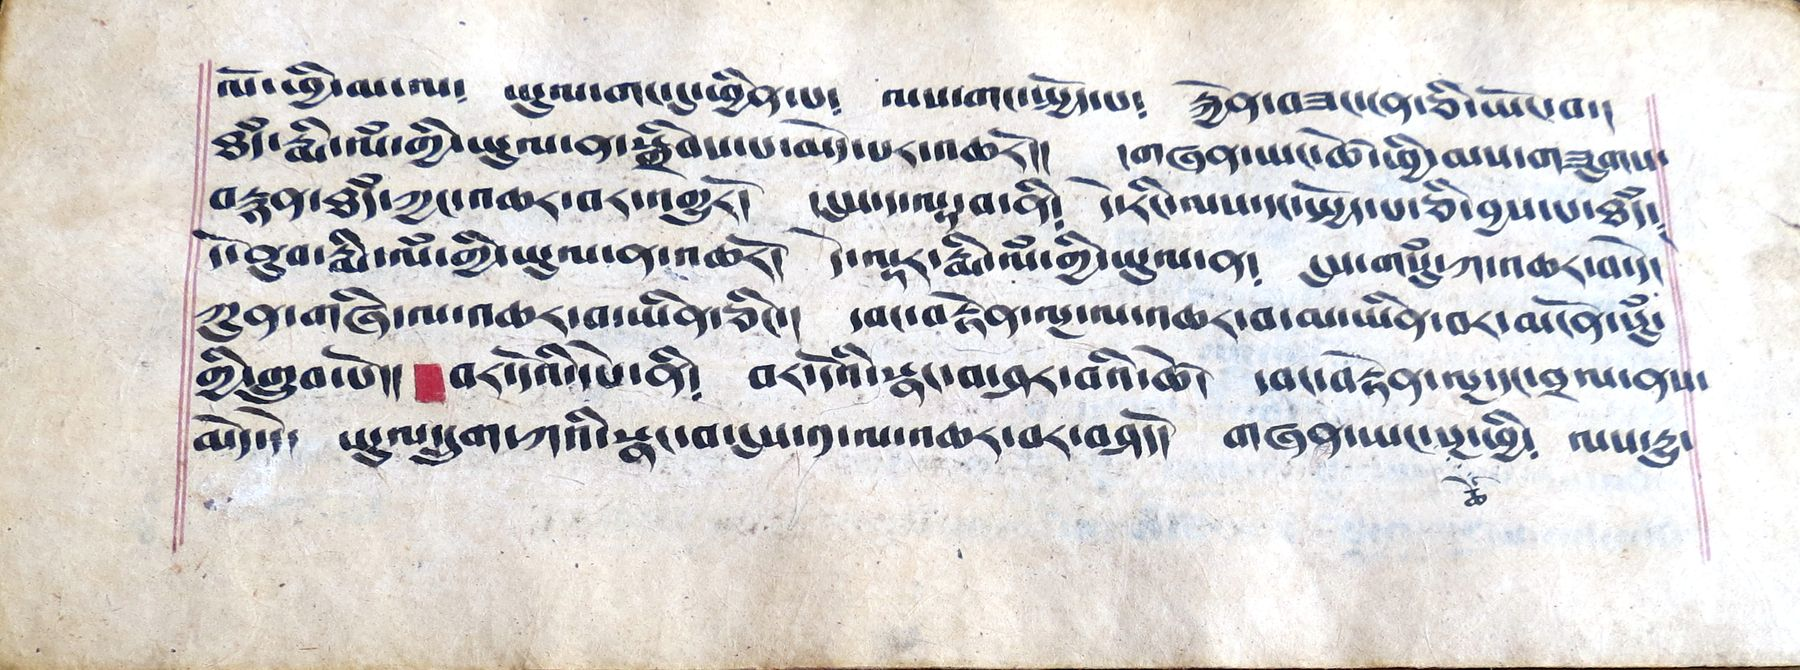ལོ་ཕྱི་མ་ལ་ཡུལ་གང་དུ་ཕྱིན་པ་དང་། ལས་གང་སྤྱོད་པ། རྐྱེན་བཟང་ངན་ཅི་ཡོང་བ་
ཐམས་ཅད་ནི། རྨི་ལམ་དུ་སྒྲིབ་པ་མེད་པར་འཆར་བར་འགྱུར་རོ། ། གཞན་ཡང་ཚེ་ཕྱི་མའི་གཟུགས་
བརྙན་ཐམས་ཅད་ཡང་འཆར་བར་འགྱུར་རོ། ། དུས་ད་ལྟ་བ་ནི། དེ་རིང་ལས་དང་སྤྱོད་པ་ཅི་བྱས་པ་ཐམས་ཅད། 
དོ་མོད་རྨི་ལམ་གྱི་ཡུལ་ན་འཆར་རོ། ། དེ་ལྟར་རྨི་ལམ་གྱི་ཡུལ་ན་དུས་གསུམ་ཀ་འཆར་བ་དེ། 
ཀུན་གཞི་ལ་ཤར་བ་ཡིན་ཞིང་། དབང་རྟེན་ལྔ་ལ་ཤར་བ་མ་ཡིན་པར་མངོན་སུམ་
གྱིས་གྲུབ་པའོ། ། བར་དོའི་དཔེ་ནི་བར་དོའི་སྣང་བ་ཤར་བའི་ཚེ། དབང་རྟེན་ལྔ་པོ་དང་བྲལ་ནས་
མེད་དེ། ཡུལ་དྲུག་ཀའི་སྣང་བ་དུས་གཅིག་ལ་འཆར་བར་བཤད་དོ། ། གཞན་ཡང་ཚེ་སྔ་ཕྱི་ལས་རྒྱུ་